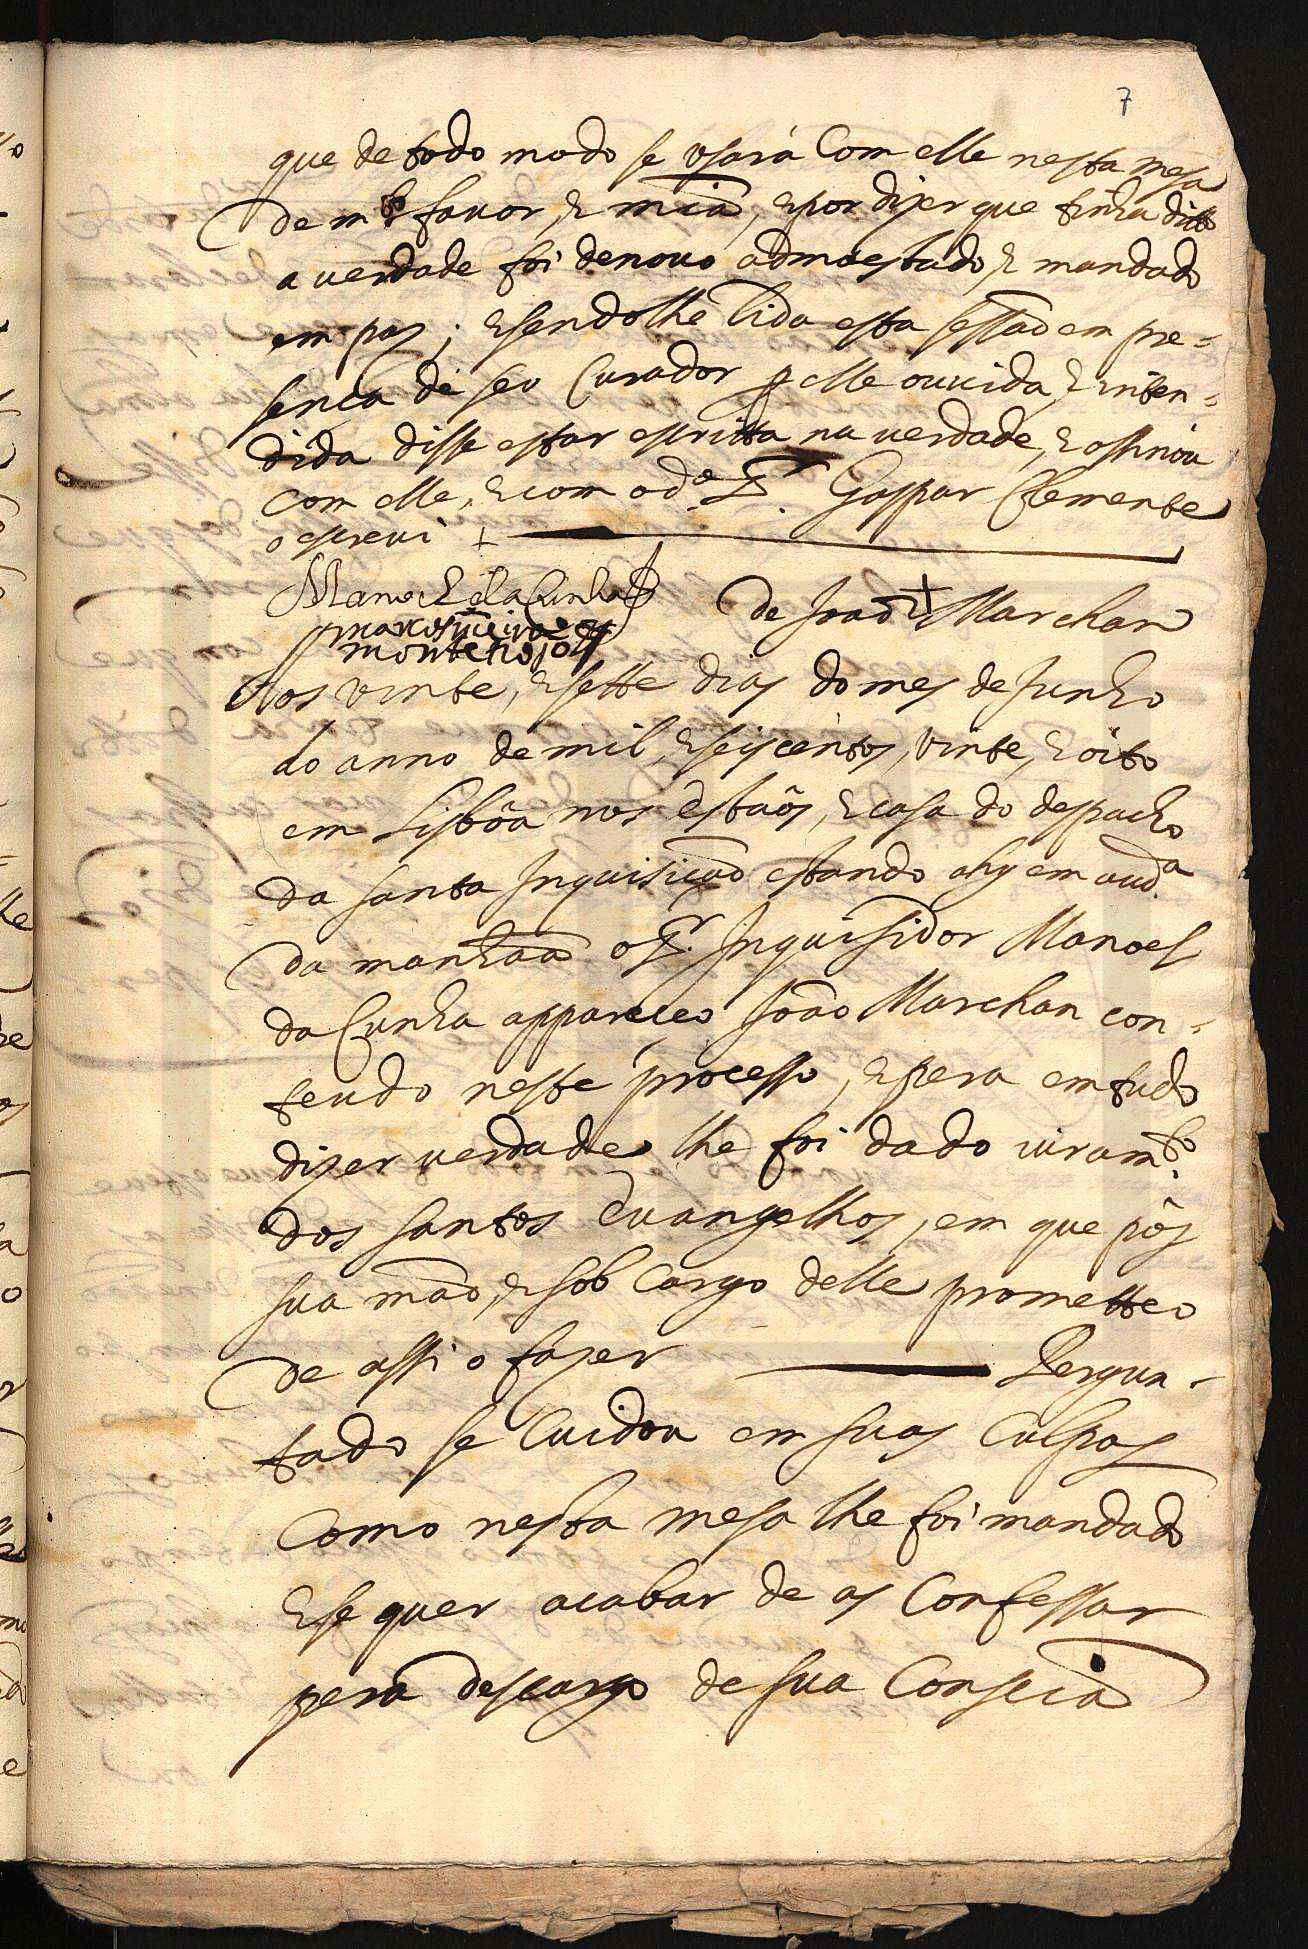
que de todo modo se vsará com elle nesta mesa
de mto fauor, E mīa, E por dizer que tinha ditto
a uerdade foi de nouo admoestado, E mandado
em paz; E sendolhe lida esta sessão em pre
sença de seo Curador ꝑ elle ouuida e inten
dida disse estar escritta na uerdade, E assinou
com elle, E com o d.o sr. Gaspar Clemente
o escreui
Manoel da Cunha
de Joaõ Marchan
Marcos uieira
monteRojo
Aos vinte, E sette dias do mes de Junho
do anno de mil E seiscentos, vinte, e oito
em Lisboa nos estaos, E casa do despacho
da santa Jnquisiçaõ estando ahy em auda.
da manhāa o s.r Jnquisidor Manoel
da Cunha appareceo Joaõ Marchan con
teudo neste processo, E pera em tudo
dizer uerdade lhe foi dado iuramto
dos santos euangelhos, em que pos
sua mão, E sob cargo delle prometteo
de assi o fazer
Pergun
tado se cuidou em suas culpas
Como nesta mesa lhe foi mandado
E se quer acabar de as confessar
pera descargo de sua Conscīa
